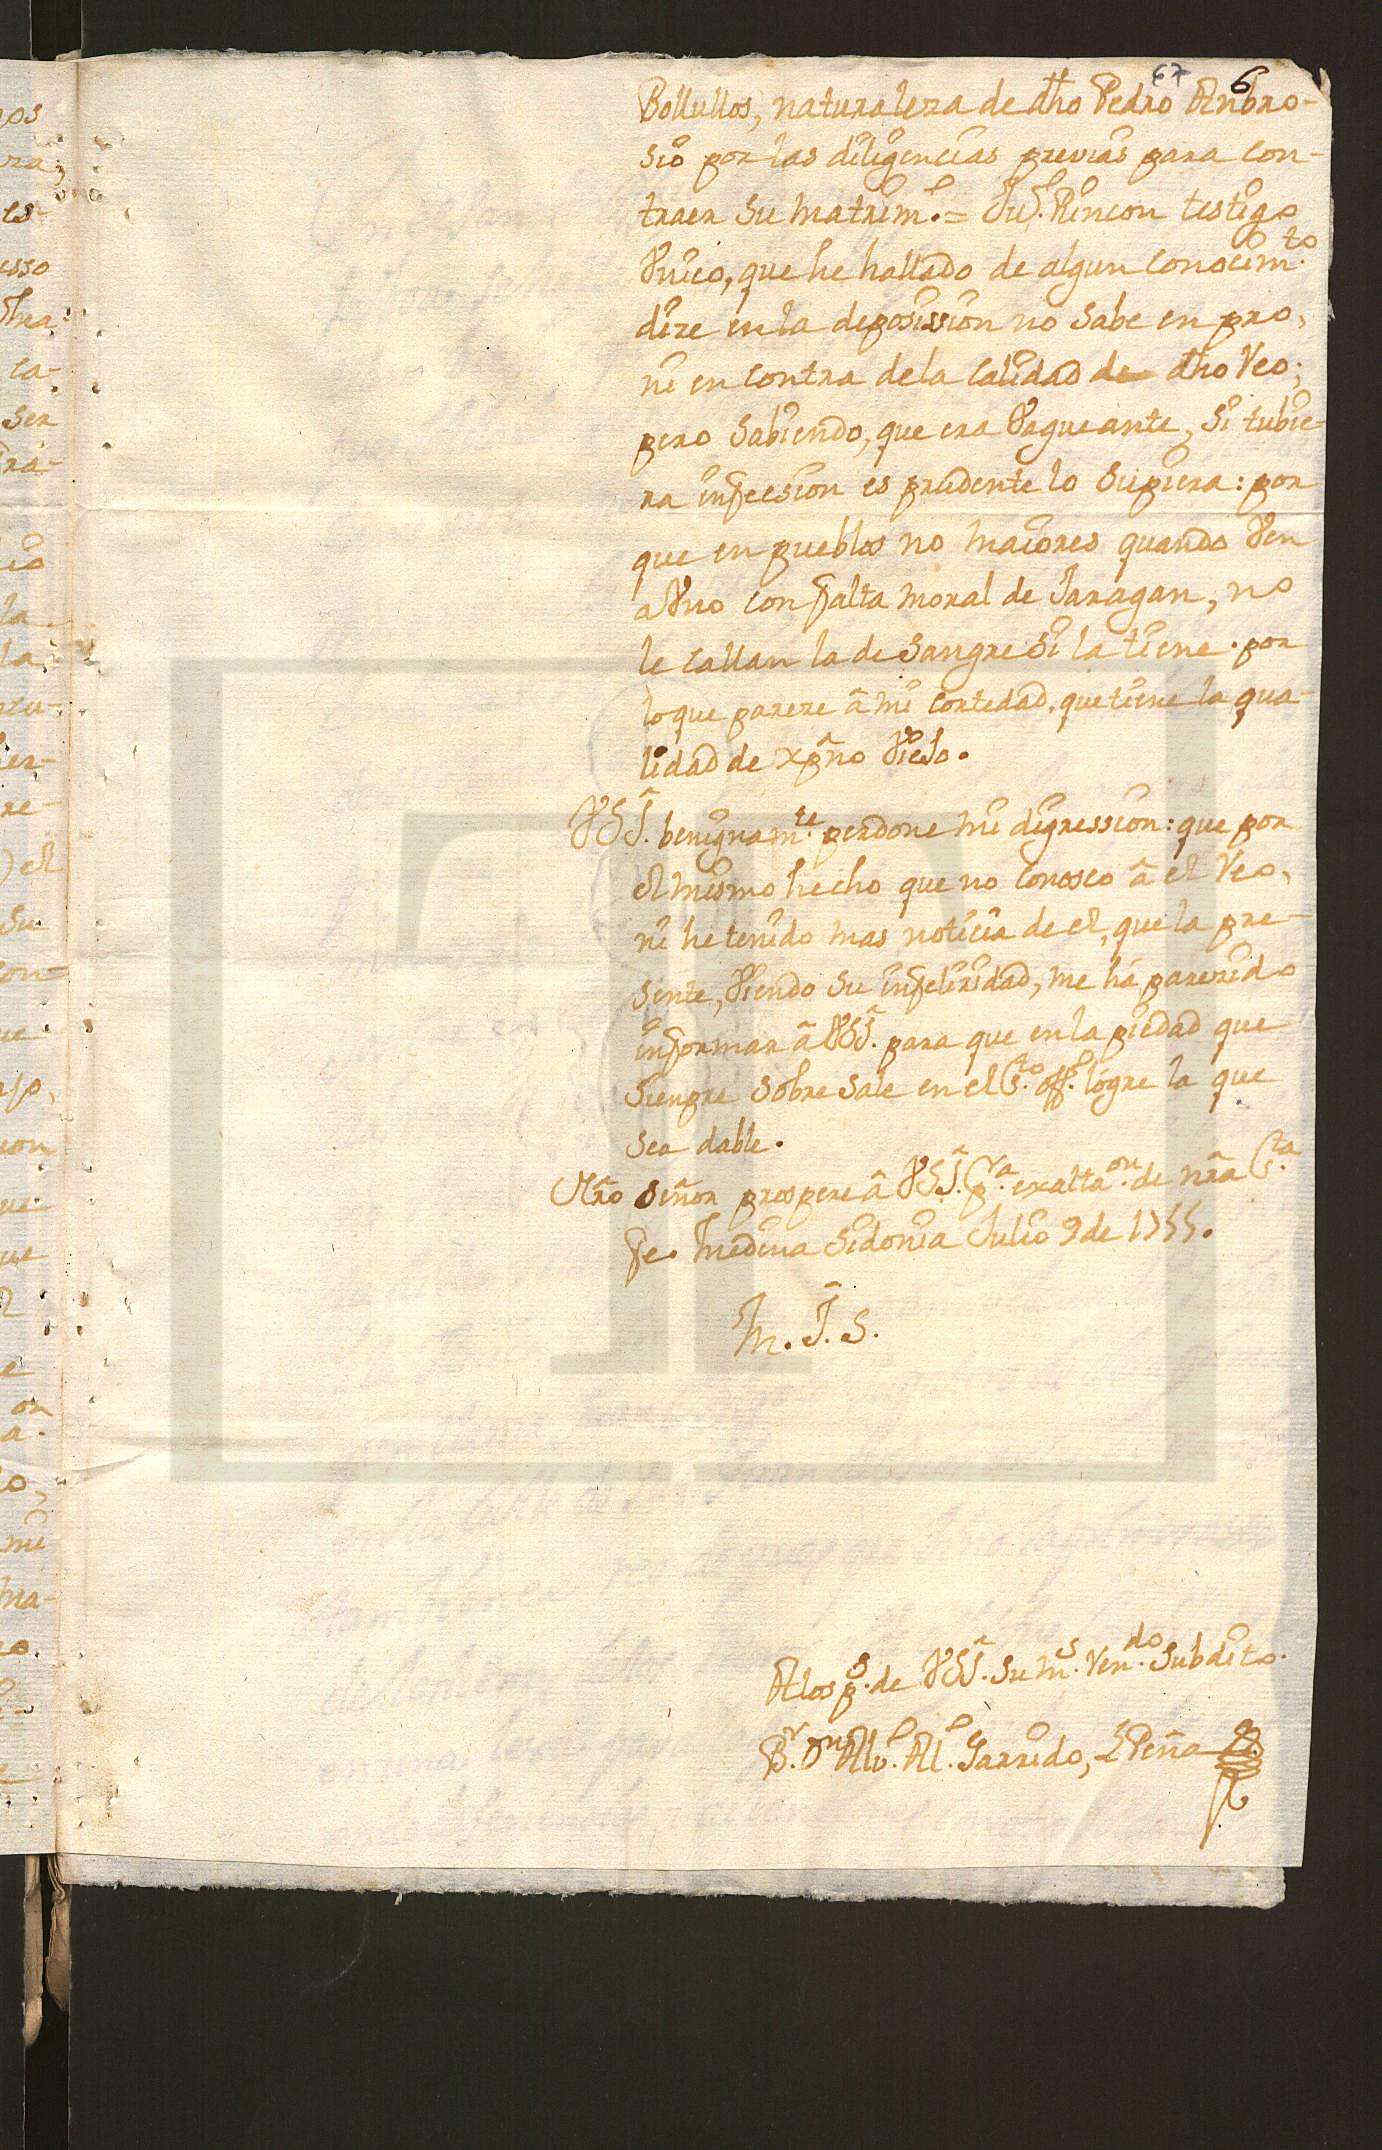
Bollullos, naturaleza de d̄ho Pedro Anbro
sio por las diligencias previas para con
traer Su matrim.o = Ju.o Rincon testigo
Vnico, que he hallado de algun conocim.to
dize en la deposission no Sabe en pro,
ni en contra de la calidad de d̄ho Reo;
pero Sabiendo, que era Vagueante, si tubie
ra infecsion es prudente lo Supiera: por
que en pueblos no maiores quando Ven
a Vno con falta moral de Iaragan, no
le callan la de Sangre Si la tiene. por
lo que pareze â mi cortedad, que tiene la qua
lidad de Xpn̄o Viejo.
VSI. benignam.te perdone mi degression: que por
el mismo hecho que no conosco â el Reo,
ni he tenido mas noticia de el, que la pre
sente, Viendo su infelizidad, me há parezido
informar â VSI. para que en la piedad que
Sienpre Sobresale en el s.to off.o lógre la que
Sea dable.
Nr̄o Señor prospere â VSI. p.ra exalta.on de nr̄a s.ta
fe. Medina Sidonia Iulio 9 de 1755.
M. I. S.
A los p.s de VSI. Su m.s Reu.do Subdito.
B.r D.n Alv.o Al.o Garrido, Y Peña
